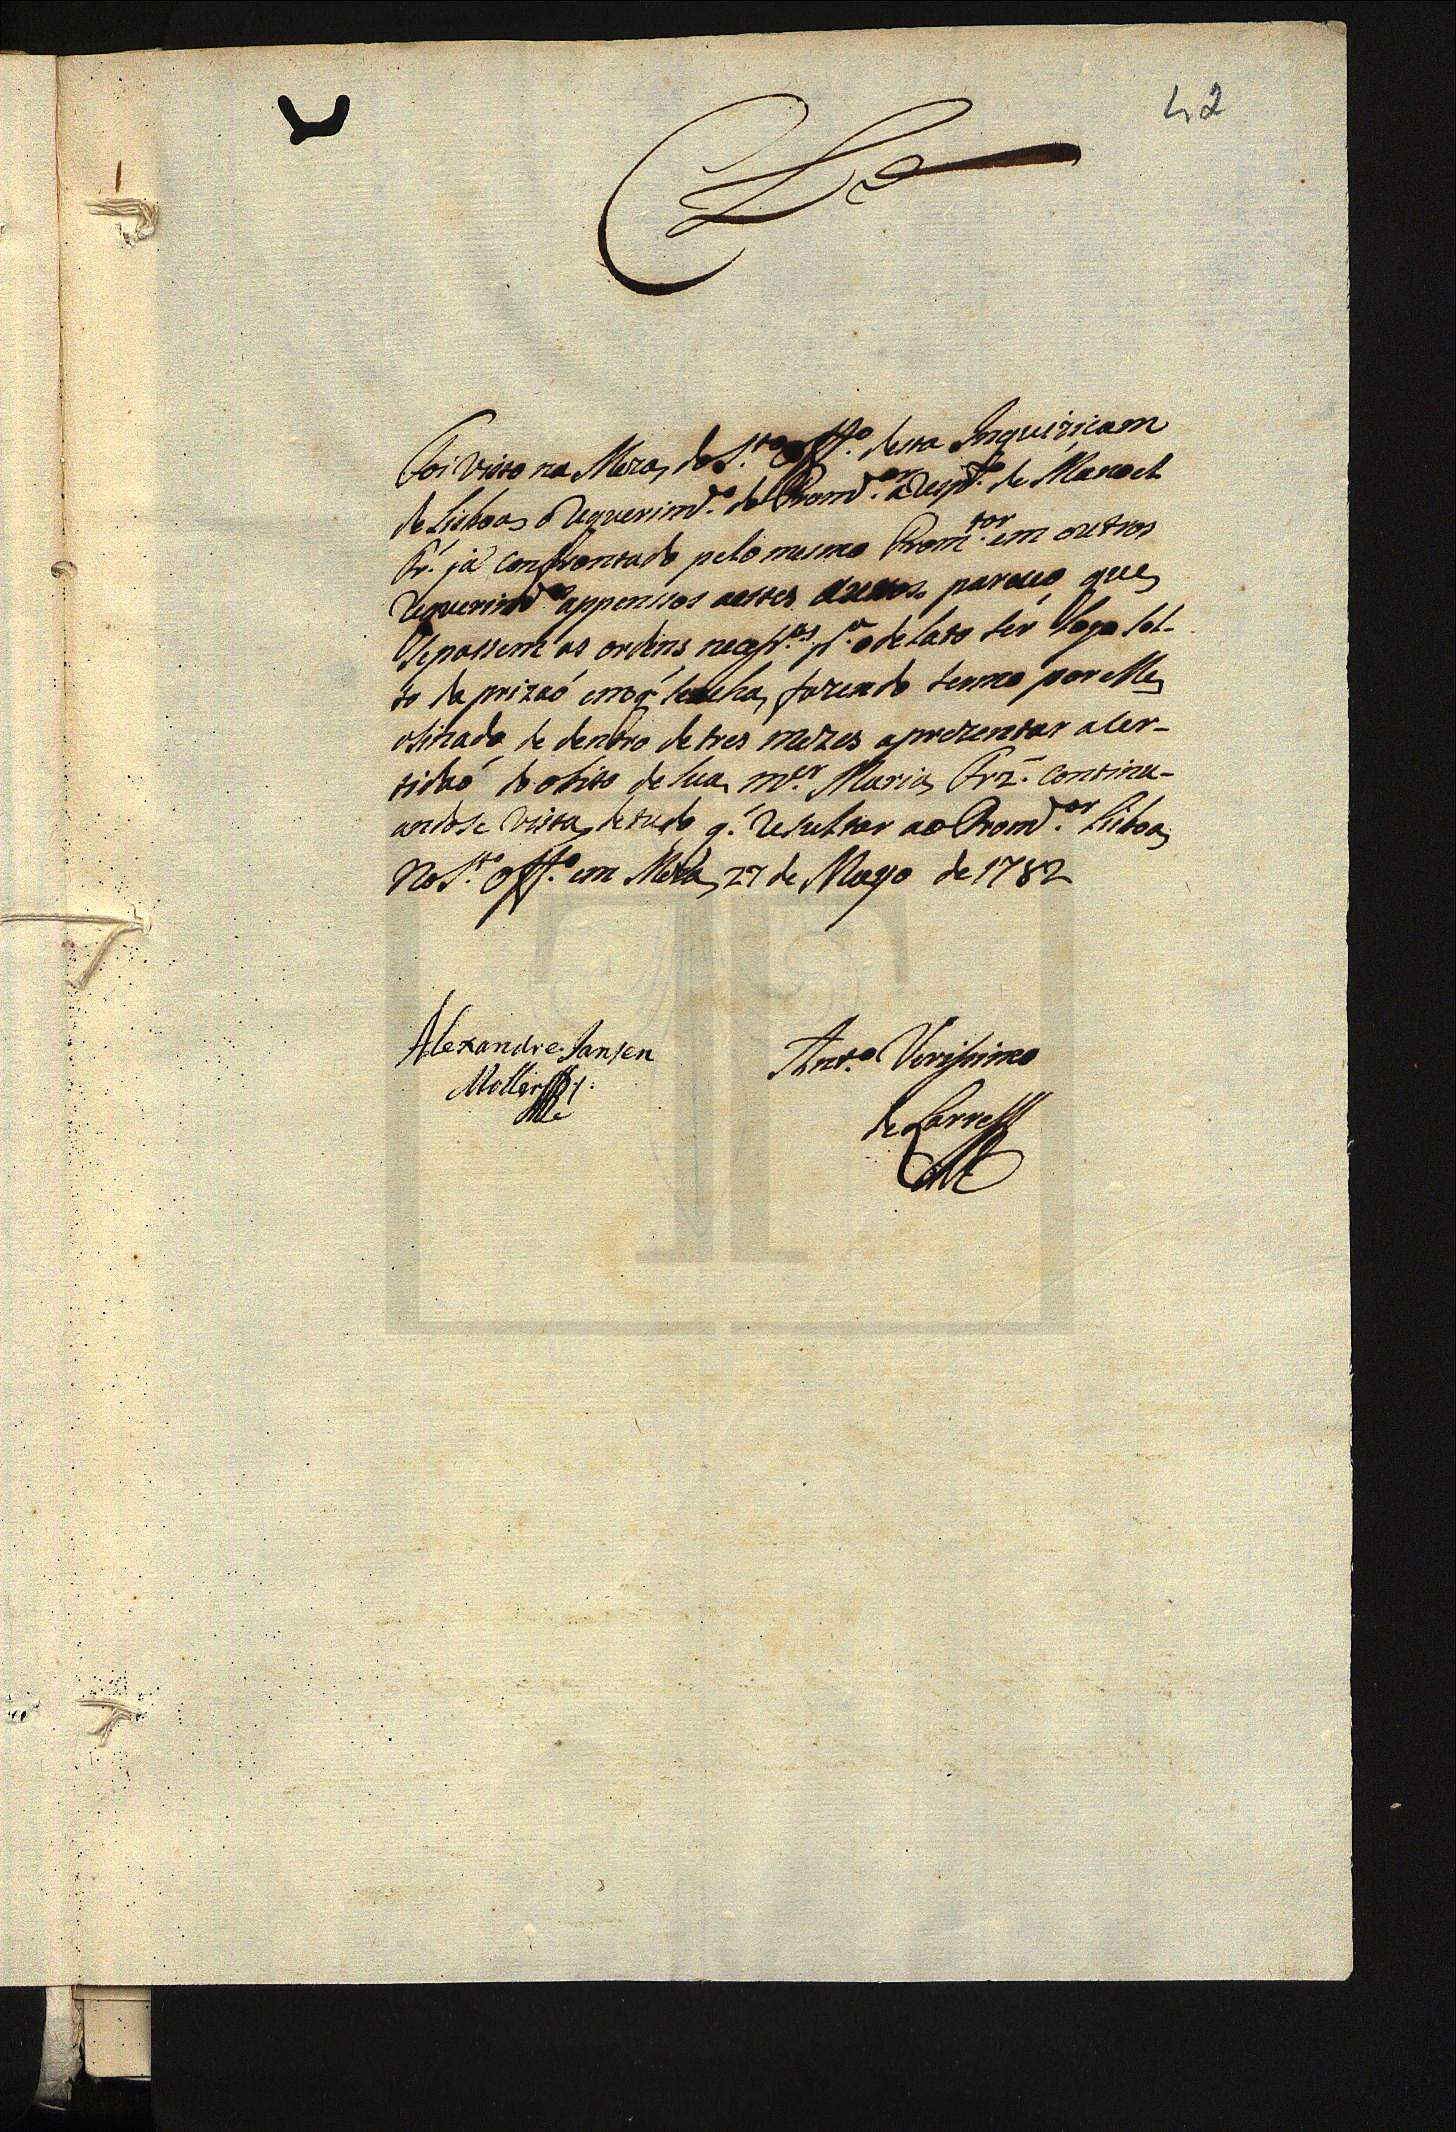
Foi visto na Meza do S.to off.o desta Inquiziçam
de Lisboa o Requerim.to do Prom.o a Resp.to de Manoel
Fr̄. já confrontado pelo mesmo Prom.tor em outros
Requerimt.os appenssos a estes auttos pareceo, que
se passem as ordens necess.as p.a o delato ser logo sol
to da prizaõ em q̄ se acha, fazendo termo por elle
asinado, de dentro de tres mezes aprezentar a cer
tidaõ do obito de sua m.er Maria Frz̄ continu
andose vista de tudo q̄ Resultar ao Prom.or Lisboa
No S.to off.o em Meza, 27 de Mayo de 1782
Alexandre Iansen
Moller
Ant.o Verissimo
de Larre
